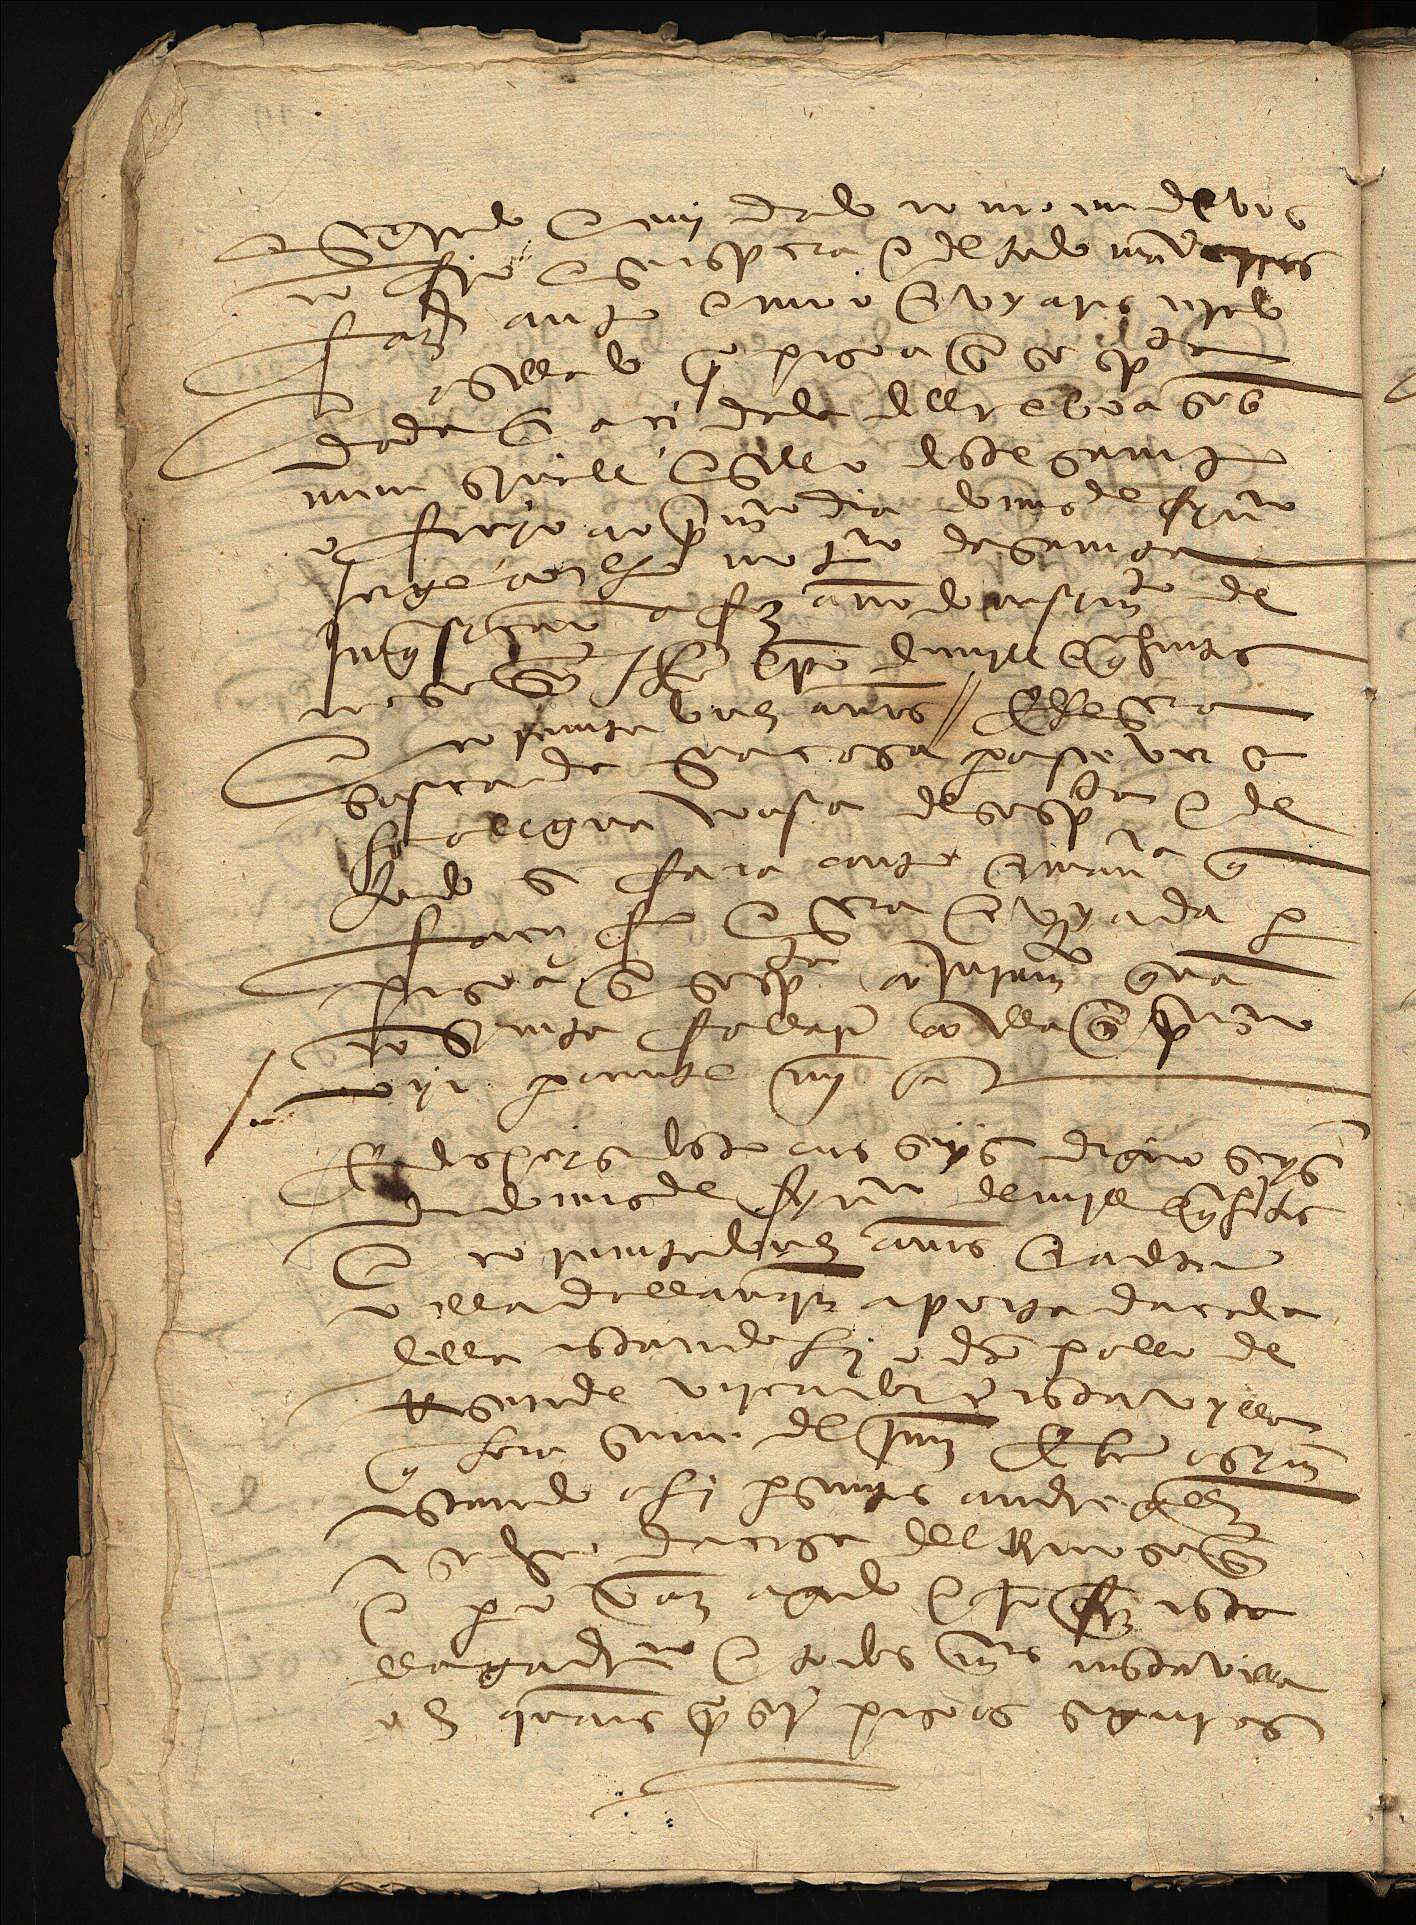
e segredo e cuydado como eu de vos
c̄ofjo e se espera e de tudo mādarres
faz̄ auto e moo ēvyares cerado
e asellado p̄o pesoa sē sospta
dada ē a cidade de llixboa sob
meu sjnall e sello deste samto
oficyo ao p̄imro dia do mes de fyuro
Jorge coelho notro da samta
Jmq̄sição a fez āno do nasimto de
noso s̄or Jhū xp̄o de mjll e q̄nhentos
e coremta dous anos // E lhe sera
buscada sua casa ꝑa see ver se
ha allguā cousa de sospta e de
tudo se fara auto ē manra q̄
faça fꝭ e sera ēvyada ꝑ
pesoa sē sospta c̄o Juramto q̄ nā
c̄osjmta fallarē cō ella sē p̄imro
vyr ꝑamte m̄j
E despois desto aos seys diguo seys
di do mes de fjuro de mjll e q̄nhsētos
e coremta dous ānos ē a dta
villa dallanq̄r a porta da cadea
della estando hj o dt̄o pallo de
Resende vereador ē esta vylla
q̄ hora serue de juiz E bē asym
estando ahj ꝑsentes andre gl̄lz
escdro da casa dell Rej noso s̄or
e ꝑo vāz agudo e Jō fr̄z esta
llagadrro e todos mores nesta villa
os qoaes p̄o serē pesoas seguras
